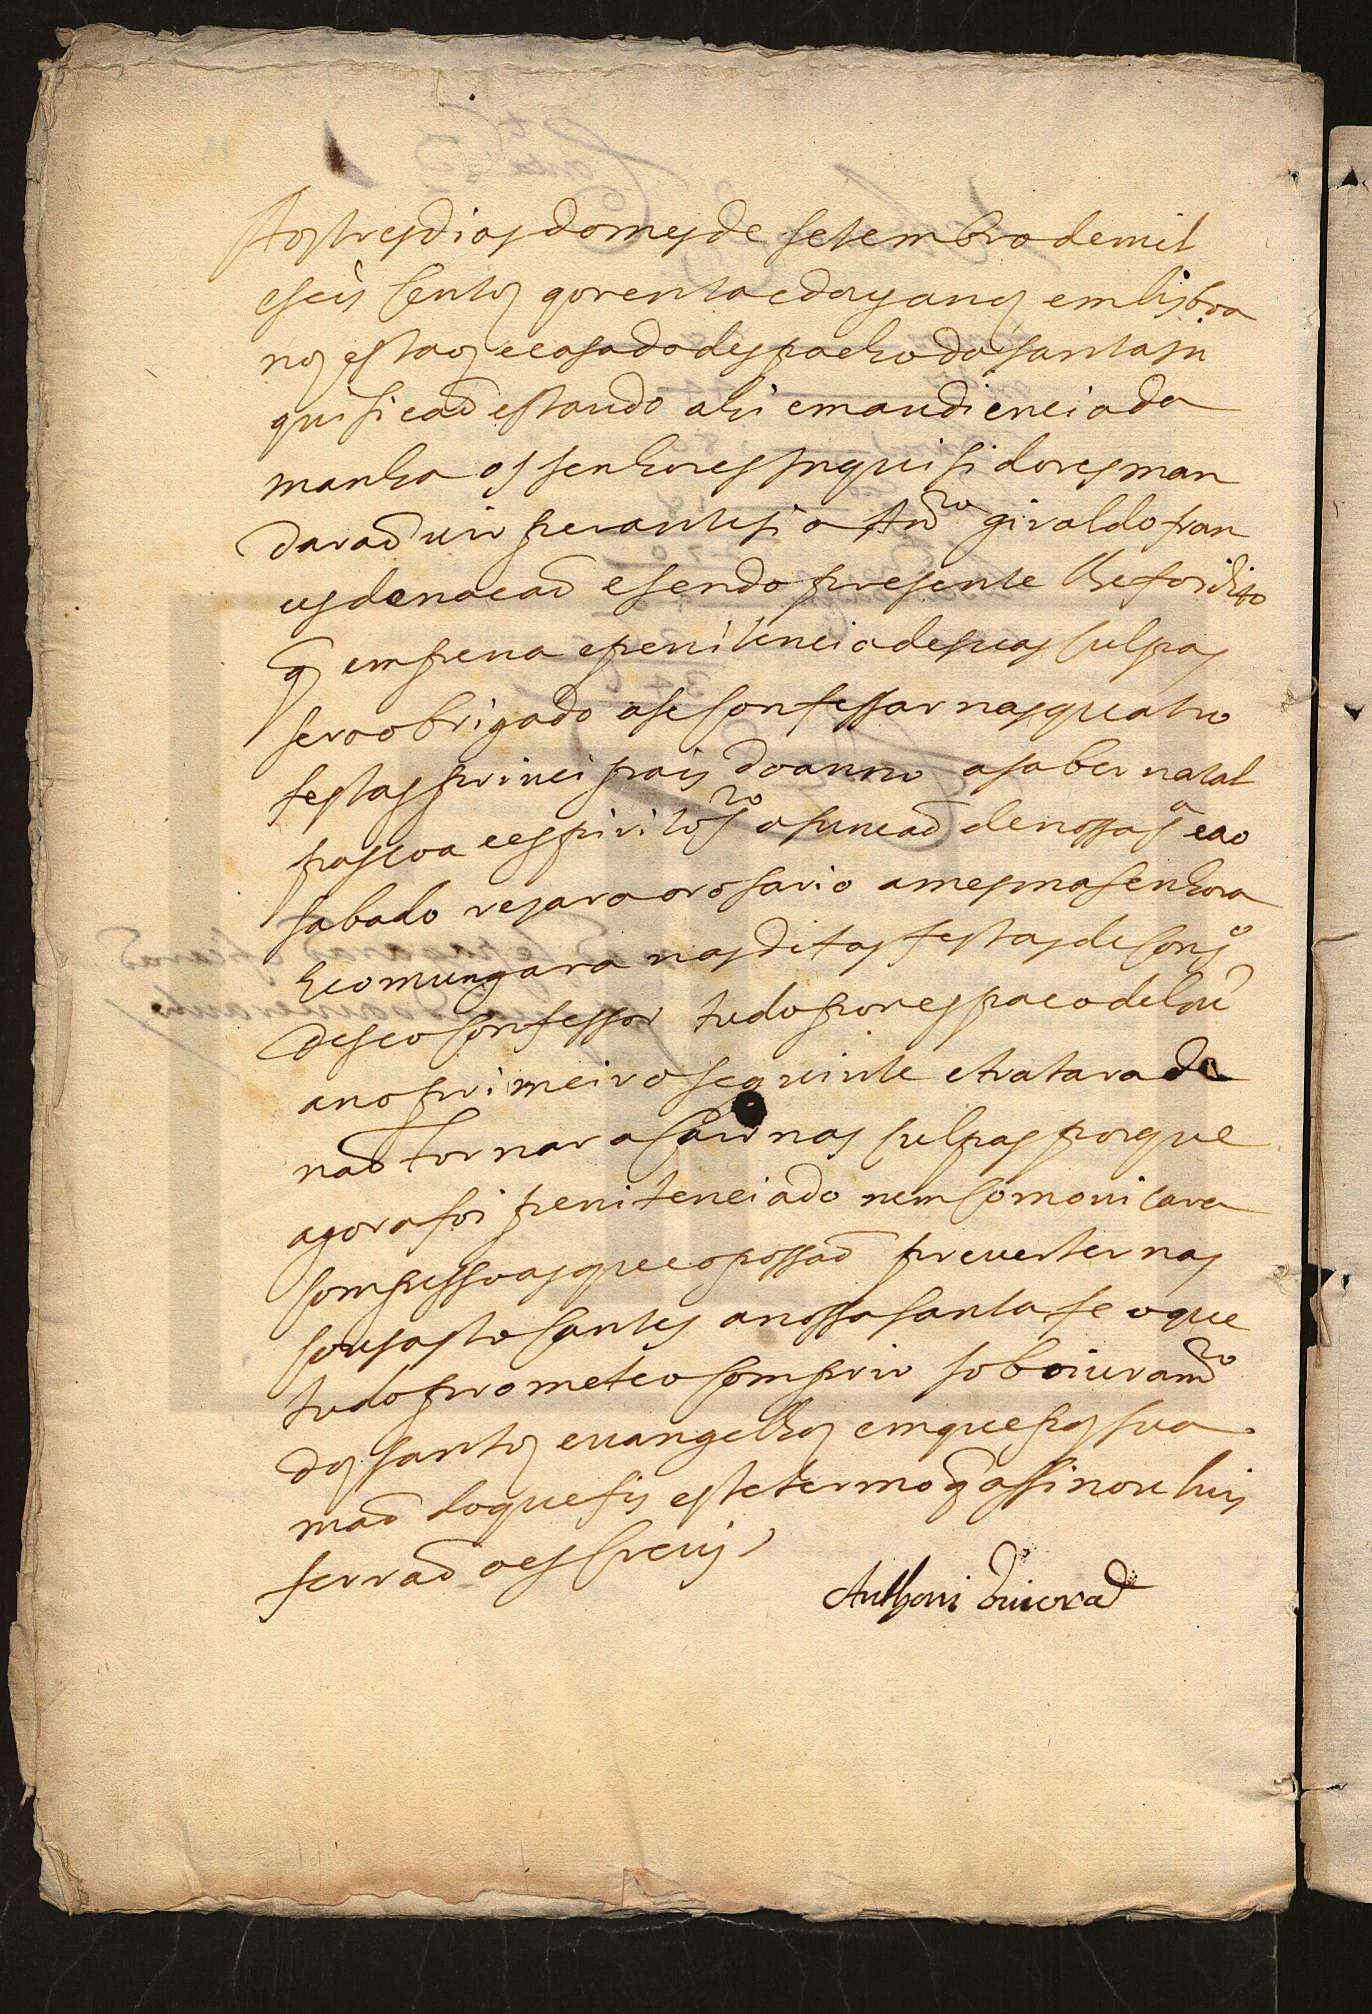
Aos tres dias do mes de Setembro de mil
e seisCentos qorenta e dous anos em lisboa
nos estaos e casa do despacho da santa in
quisição estando ahi em audiencia da
manha os senhores jnquisidores man
daraõ uir perante si a Anto giraldo fran
ces de naçaõ e sendo presente lhe foi dito
q̄ em pena e penitencia de suas Culpas
sera obrigado a se Confessar nas quatro
festas principais do anno a saber natal
pascoa e espirito sto asunçaõ de nossa sa e ao
sabado rezara o rosario a mesma senhora
E comungara nas ditas festas de Conso
de seo Confessor tudo por espaço de hū
ano primeiro seguinte e tratara de
naõ tornar a Cair nas Culpas por que
agora foi penitenciado nem Comonicara
Com pessoas que o possaõ preuerter nas
Cousas toCantes a nossa santa fe o que
tudo prometeo Comprir sob o iuramto
dos santos euangelhos em que pos sua
maõ do que fis este termo q̄ assinou luis
ferraõ o esCreuj /
Anthoni Guierad
